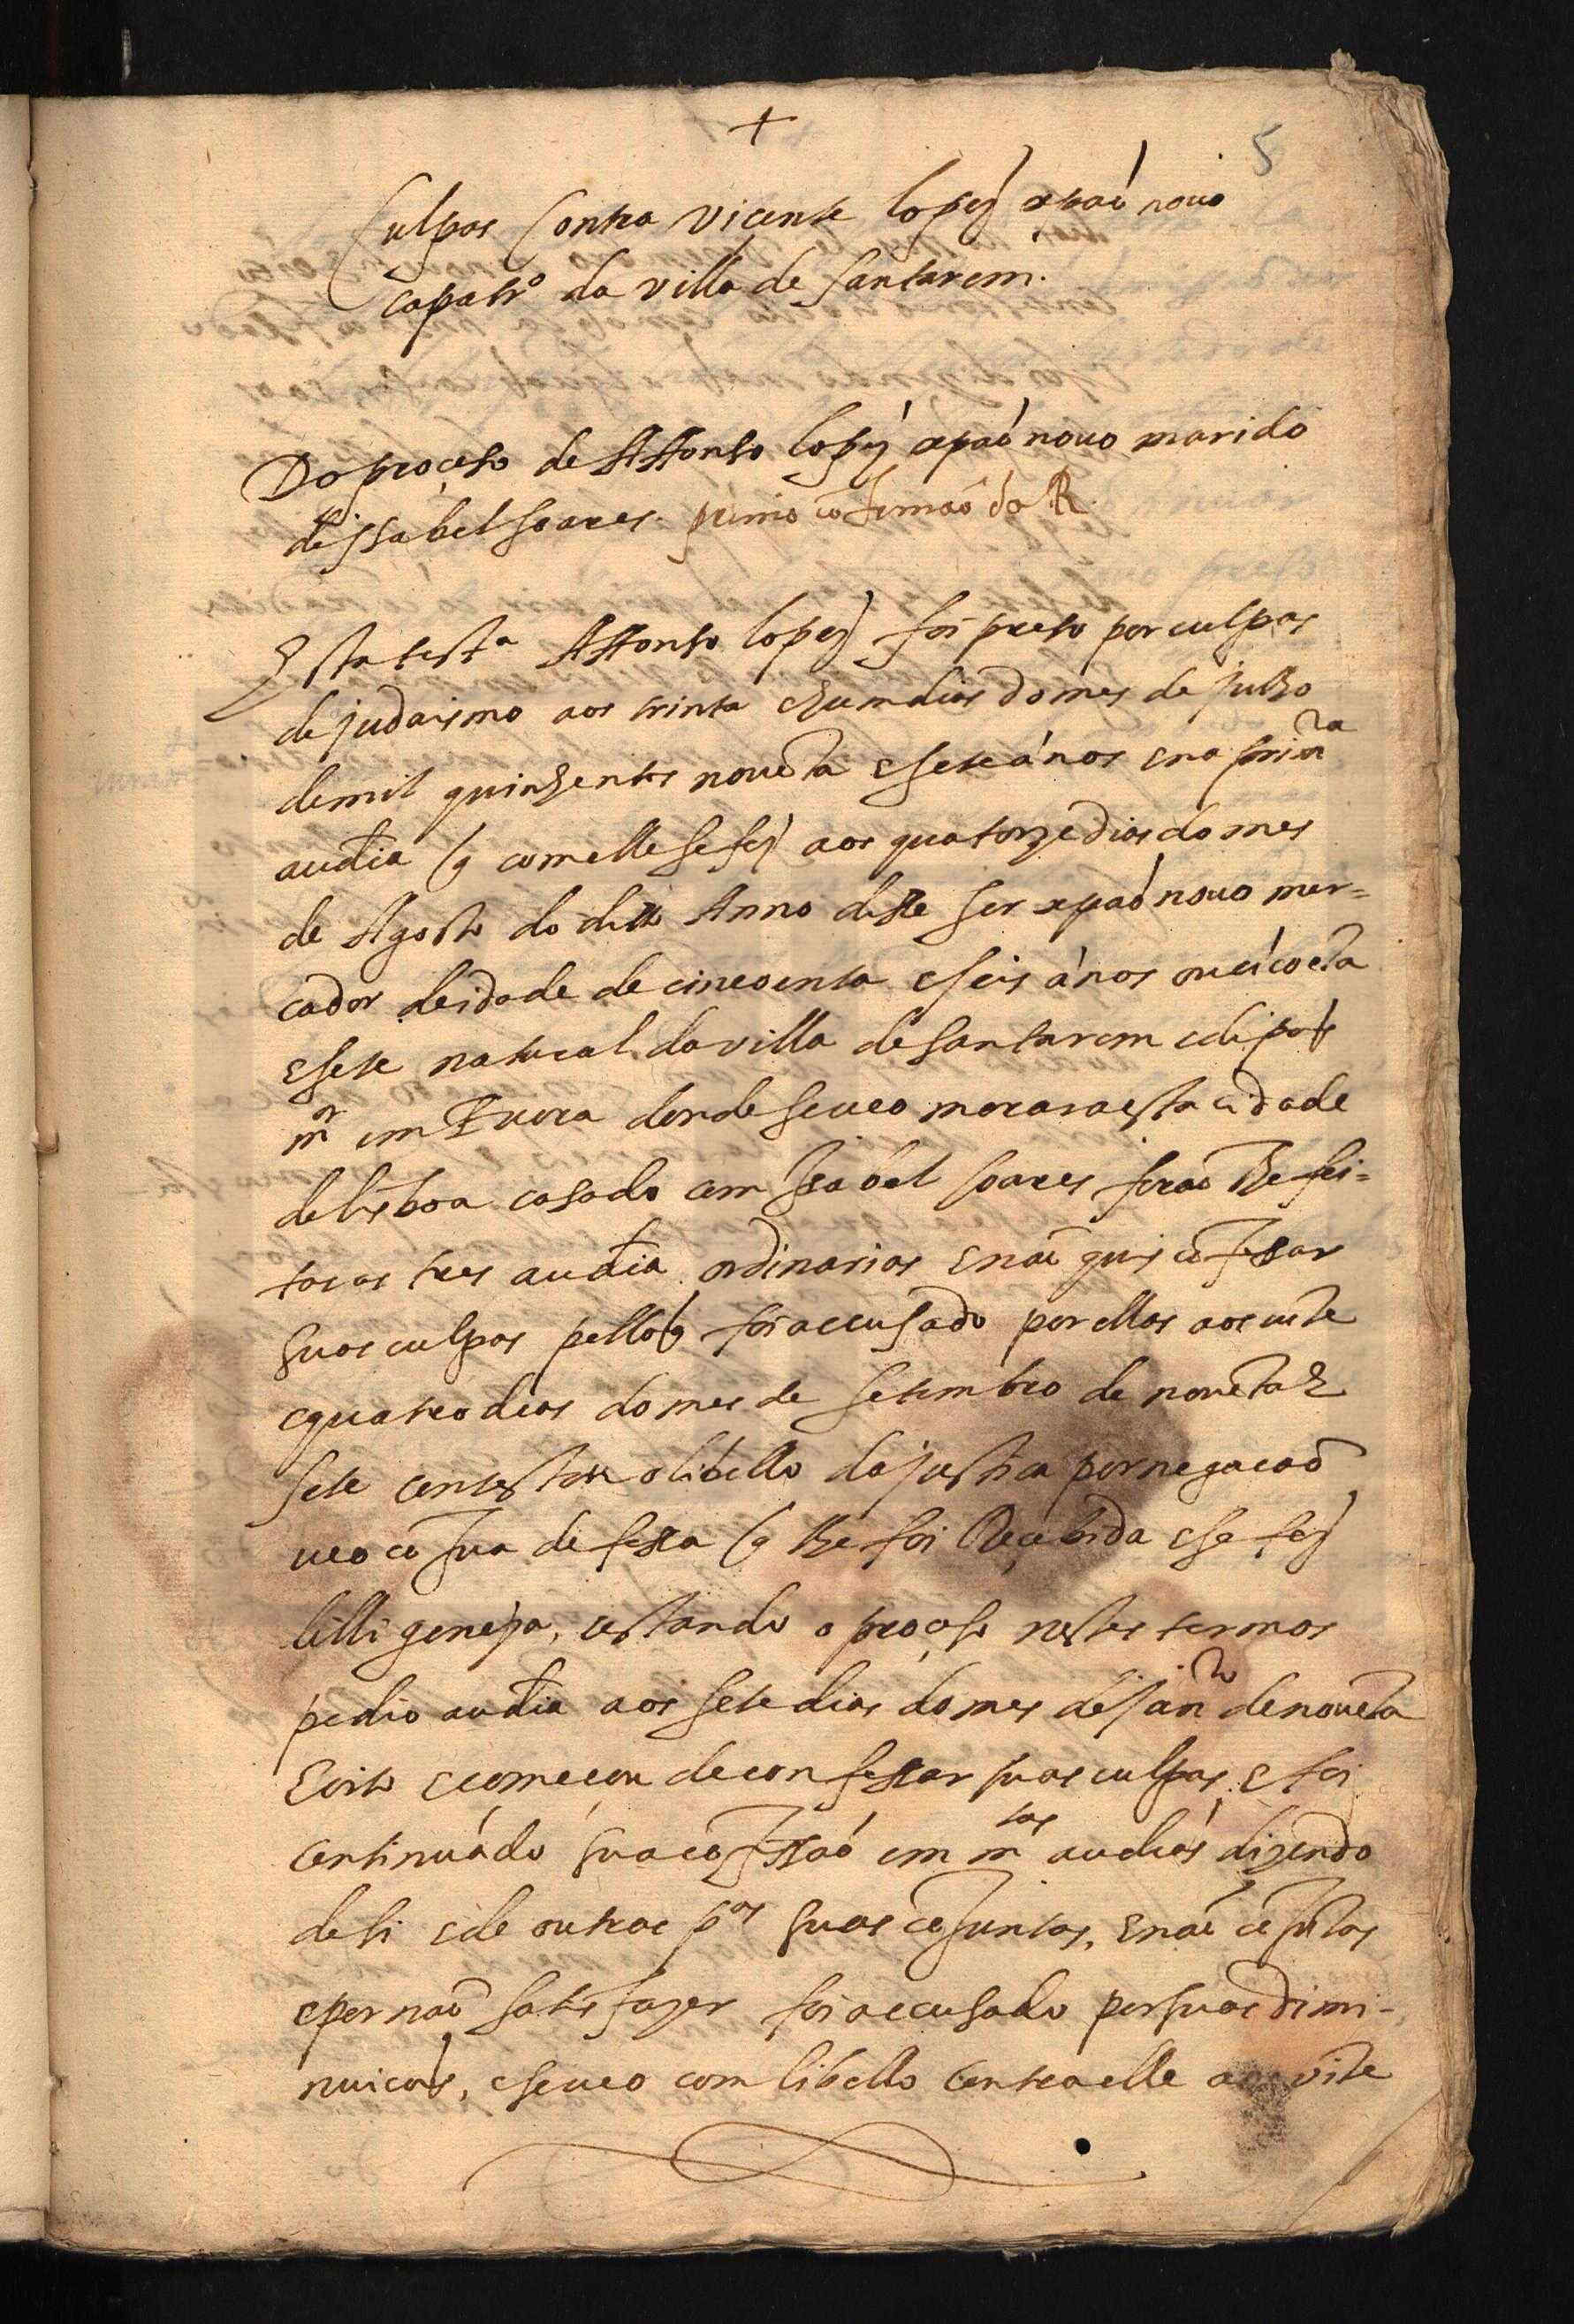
Culpas Contra viçente lopez xpaõ nouo
capatro da villa de Santarem.
Do proçeso de Affonso lopez xpaõ nouo marido
de Jsabel soares primo cōIrmaõ do .R.
Esta testa Affonso lopez foi preso por culpas
de Judaismo aos trinta e hum dias do mes de Julho
de mil quinhentos nouēta E sete ānos E na primra
aud̄ia q̄ com elle se fez aos quatorze dias do mes
de Agosto do ditto Anno disse ser xpaõ nouo mer
cador de idade de cincoenta E seis ānos ou cīcoēta
E sete natural da villa de santarem e dipos
msor em Euora donde se ueo morar a esta cidade
de lisboa casado com Jsabel soares foraõ lhe fei
tas as tres audīa ordinarias E naõ quis cōfessar
suas culpas pello q̄ foi accusado por ellas aos uīte
e quatro dias do mes de Setembro de nouēta E
Sete contestou o libello da justica por negacaõ
ueo cō sua defessa q̄ lhe foi Reçebida E se fez
dilligencja, e estando o proçeso nestes termos
pedio audīa aos sete dias do mes de Janro de nouēta
E oito e começou de confessar suas culpas E foi
Continuādo sua cōfissaõ em mtas audiās dizendo
de si E de outras pas suas cōJuntas, E naõ cōJūtas
E per naõ satisfazer foi accusado per suas dimi
nuicoẽs, e se ueo com libello contra elle aos vīte
